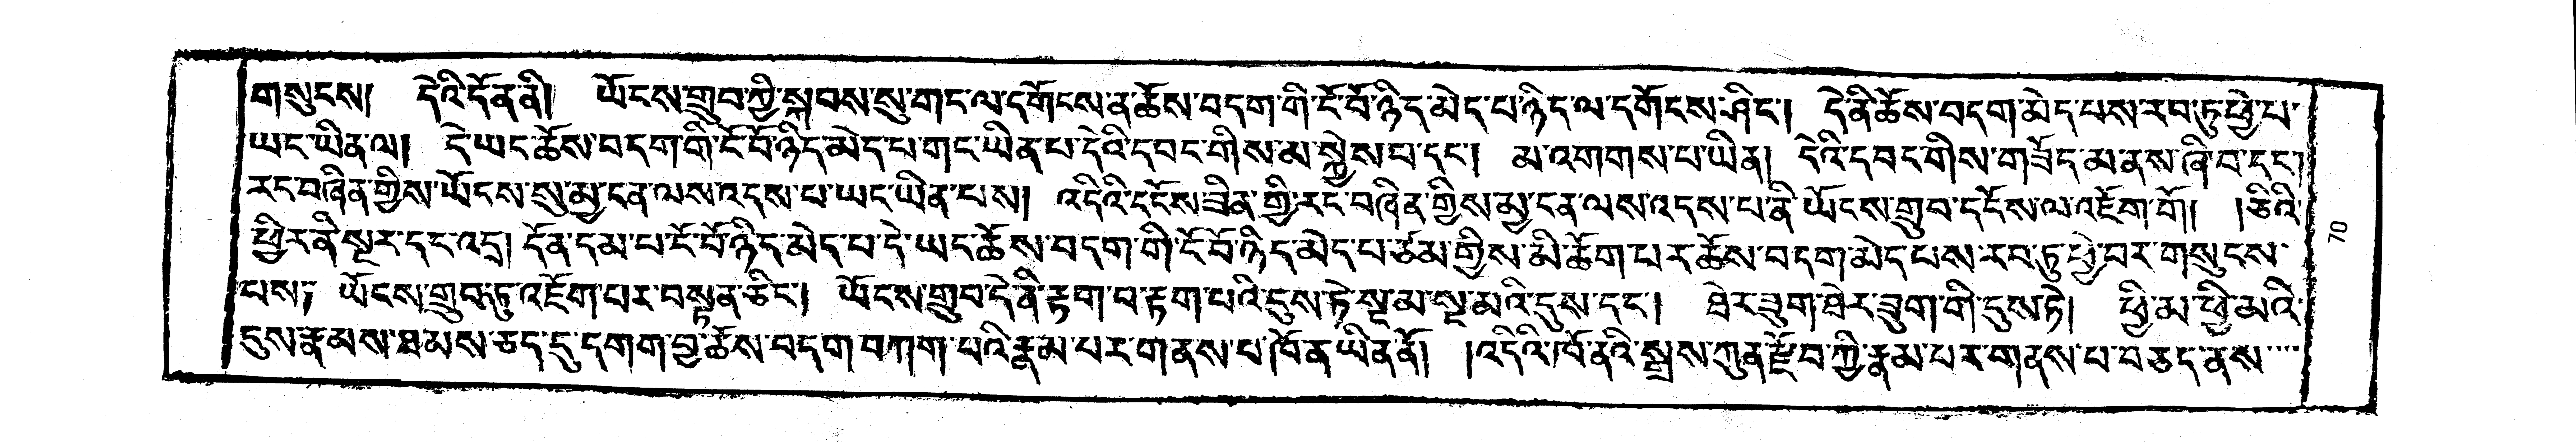གསུངས། དེའི་དོན་ནི། ཡོངས་གྲུབ་ཀྱི་སྐབས་སུ་གང་ལ་དགོངས་ན་ཆོས་བདག་གི་ངོ་བོ་ཉིད་མེད་པ་ཉིད་ལ་དགོངས་ཤིང་། དེ་ནི་ཆོས་བདག་མེད་པས་རབ་ཏུ་ཕྱེ་པ་
ཡང་ཡིན་ལ། དེ་ཡང་ཆོས་བདག་གི་ངོ་བོ་ཉིད་མེད་པ་གང་ཡིན་པ་དེའི་དབང་གིས་མ་སྐྱེས་པ་དང་། མ་འགགས་པ་ཡིན། དེའི་དབང་གིས་གཟོད་མ་ནས་ཞི་བ་དང་།
རང་བཞིན་གྱིས་ཡོངས་སུ་མྱ་ངན་ལས་འདས་པ་ཡང་ཡིན་པས། འདིའི་དངོས་ཟིན་གྱི་རང་བཞིན་གྱིས་མྱ་ངན་ལས་འདས་པ་ནི་ཡོངས་གྲུབ་དངོས་ལ་འཇོག་གོ། །ཅིའི་
ཕྱིར་ནི་སྔར་དང་འདྲ། དོན་དམ་པ་ངོ་བོ་ཉིད་མེད་པ་དེ་ཡང་ཆོས་བདག་གི་ངོ་བོ་ཉིད་མེད་པ་ཙམ་གྱིས་མི་ཆོག་པར་ཆོས་བདག་མེད་པས་རབ་ཏུ་ཕྱེ་བར་གསུངས་
པས། ཡོངས་གྲུབ་ཏུ་འཇོག་པར་བསྟན་ཅིང་། ཡོངས་གྲུབ་དེ་ནི་རྟག་པ་རྟག་པའི་དུས་ཏེ་སྔ་མ་སྔ་མའི་དུས་དང་། ཐེར་ཟུག་ཐེར་ཟུག་གི་དུས་ཏེ། ཕྱི་མ་ཕྱི་མའི་
དུས་རྣམས་ཐམས་ཅད་དུ་དགག་བྱ་ཆོས་བདག་བཀག་པའི་རྣམ་པར་གནས་པ་ཁོ་ན་ཡིན་ནོ། །འདིའི་ཁོ་ནའི་སྒྲས་ཀུན་རྫོབ་ཀྱི་རྣམ་པར་གནས་པ་བཅད་ནས་